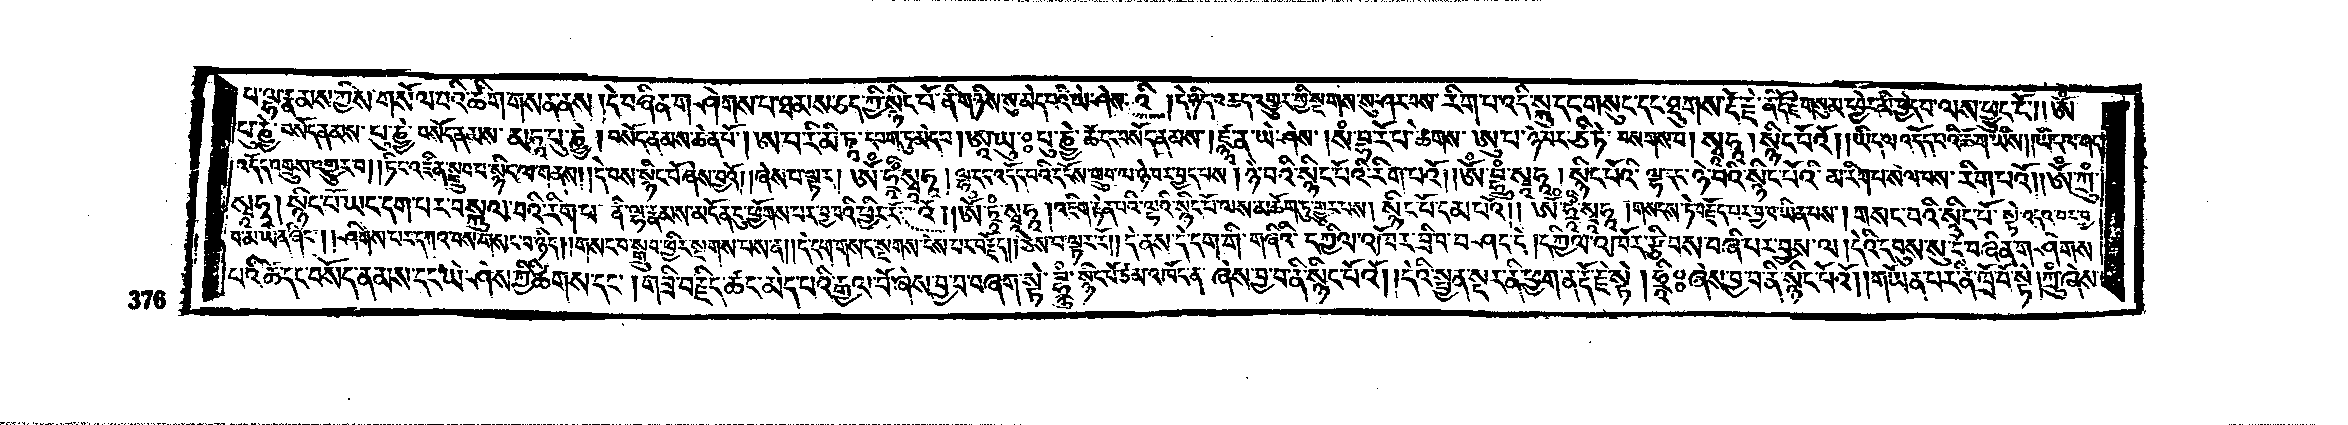པ་ལྷ་རྣམས་ཀྱིས་གསོལ་བའི་ཚིག་གསན་ནས། དེ་བཞིན་གཤེགས་པ་ཐམས་ཅད་ཀྱི་སྙིང་པོ་ནི་གཉིས་སུ་མེད་པའི་ཡེ་ཤེས་པའི། དེ་ཉིད་འཆད་འགྱུར་ཀྱི་སྔགས་སུ་ཤར་བས་རིག་པ་འདི་སྐུ་དང་གསུང་དང་ཐུགས་རྡོ་རྗེ་ནི་རྡོ་རྗེ་གསུམ་དབྱེར་མི་ཕྱེད་པ་ལས་ཕྱུང་ངོ། །ཨོཾ་
པུ་ཎྱེ་བསོད་ནམས་པུ་ཎྱེ་བསོད་ནམས་མཧཱ་པུ་ཎྱེ། བསོད་ནམས་ཆེན་པོ། ཨ་པ་རི་མི་ཏཱ་དཔག་ཏུ་མེད་པ། ཨཱཡུ་པུ་ཎྱེ་ཚེ་དང་བསོད་ནམས། ཛཉ་ན་ཡེ་ཤེས། སཾ་བྷ་རོ་པ་ཚོགས་ཨུ་པ་ཉེ་བར་ཙི་ཏེ་བསགས་པ། སྭཱཧཱ། སྙིང་པོའོ། །ཡིད་ལ་འདོད་པའི་ཆོ་ག་ཡིས། །ཡིད་ལ་གང་
འདོད་འགྲུས་བགྱུར་བ། །ཏིང་འཛིན་སྒྲུབ་པ་སྙིང་ལ་གནས། །དེ་བས་སྙིང་པོ་ཞེས་བྱའོ། །ཞེས་པ་ལྟར། ཨོཾ་ཧྲཱིཾ་སྭཱཧཱ། ལྷ་དང་འདོད་པའི་དངོས་གྲུབ་ལ་ཉེ་བར་བྱད་པས། ཉེ་བའི་སྙིང་པོའི་རིག་པའོ། །ཨོཾ་བྷྲུཾ་སྭཱཧཱ། སྙིང་པོའི་ལྷ་དང་ཉེ་བའི་སྙིང་པོའི་མ་རིག་པ་སེལ་བས་རིག་པའོ། །ཨོཾ་ཀྲུཾ་
སྭཱཧཱ། སྙིང་པོ་ཡང་དག་པར་བསྐུལ་བའི་རིག་པ་ནི་ལྷ་རྣམས་མངོན་དུ་ཕྱོགས་པར་བྱ་བའི་ཕྱིར་རོ་འོ། །ཨོཾ་ཏྲཱཾ་སྭཱཧཱ། འཇིག་རྟེན་པའི་ལྷའི་སྙིང་པོ་ལས་མཆོག་ཏུ་གྱུར་པས། སྙིང་པོ་དམ་པའོ། །ཨོཾ་ཧྲཱིཾ་སྭཱཧཱ། གསངས་ཏེ་བརྗོད་པར་བྱ་བ་ཡིན་པས། གསང་བའི་སྙིང་པོ་སྟེ་འདའ་བར་བྱ་
བ་མ་ཡིན་ཞིང་། །ཤིགས་པར་དཀའ་བས་གསང་བ་ཉིད། །གསང་བ་སྒྲུབ་ཕྱིར་སྔགས་པས་ན། །དེ་དག་གསང་སྔགས་ངེས་པར་བརྗོད། །ཅེས་པ་ལྟར་རོ། །དེ་ནས་དེ་དག་གི་གཞིའི་དཀྱིལ་འཁོར་བྲི་བ་བཤད་དེ། དཀྱིལ་འཁོར་རྩིབས་བཞི་པར་བྱས་ལ། དེའི་དབུས་སུ་དེ་བཞིན་གཤེགས་
པའི་ཚེ་དང་བསོད་ནམས་དང་ཡེ་ཤེས་ཀྱི་ཚོགས་དང་། གཟི་བརྗིད་ཚང་མེད་པའི་རྒྱལ་པོ་ཞེས་བྱ་བ་བཞག་སྟེ་བྷྲཱུཾ་སྙིང་པོ་ཙམ་འཁོད་ན་ཞེས་བྱ་བ་ནི་སྙིང་པོའོ། །དེའི་སྤྱན་སྔར་ནི་ཕྱག་ན་རྡོ་རྗེ་སྟེ། ཧྲཱིཿ ཞེས་བྱ་བ་ནི་སྙིང་པོའོ། །གཡོན་པར་ནི་ཁྲོ་བོ་སྟེ། ཀྲུཾ་ཞེས་